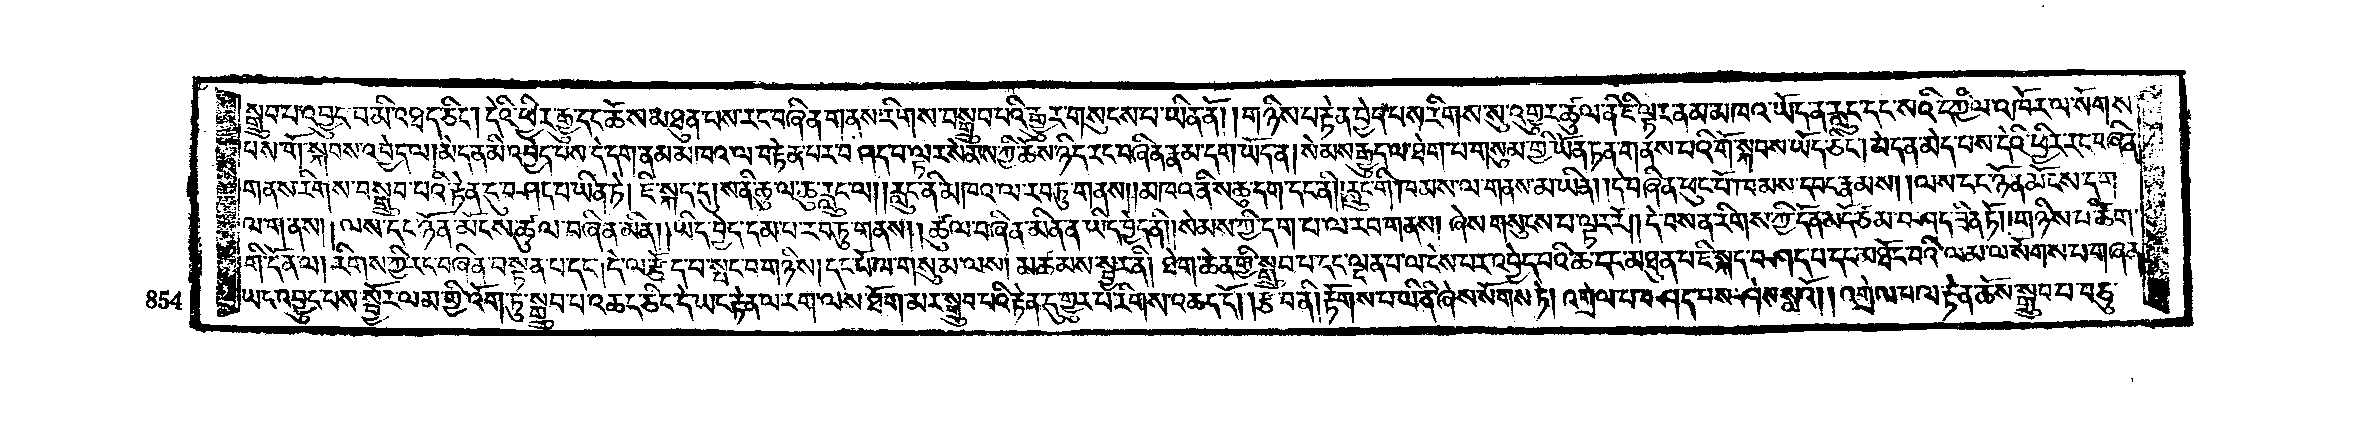སྒྲུབ་པ་འབྱུང་བ་མི་འཐད་ཅིང་། དེའི་ཕྱིར་རྒྱུ་དང་ཆོས་མཐུན་པས་རང་བཞིན་གནས་རིགས་བསྒྲུབ་པའི་རྒྱུར་གསུངས་པ་ཡིན་ནོ། །གཉིས་པ་རྟེན་བྱེད་པས་རིགས་སུ་འགྱུར་ཚུལ་ནི་ཇི་ལྟར་ནམ་མཁའ་ཡོད་ན་རླུང་དང་སའི་དཀྱིལ་འཁོར་ལ་སོགས་
པས་གོ་སྐབས་འབྱེད་ལ། མེད་ན་མི་འབྱེད་པས་དེ་དག་ནམ་མཁའ་ལ་བརྟེན་པར་བཤད་པ་ལྟར་སེམས་ཀྱི་ཆོས་ཉིད་རང་བཞིན་རྣམ་དག་ཡོད་ན། སེམས་རྒྱུད་ལ་ཐེག་པ་གསུམ་གྱི་ཡོན་ཏན་གནས་པའི་གོ་སྐབས་ཡོད་ཅིང་། མེད་ན་མེད་པས་དེའི་ཕྱིར་རང་བཞིན་
གནས་རིགས་བསྒྲུབ་པའི་རྟེན་དུ་བཤད་པ་ཡིན་ཏེ། ཇི་སྐད་དུ། ས་ནི་ཆུ་ལ་ཆུ་རླུང་ལ། །རླུང་ནི་མཁའ་ལ་རབ་ཏུ་གནས། །མཁའ་ནི་ས་ཆུ་དག་དང་ནི། །རླུང་གི་ཁམས་ལ་གནས་མ་ཡིན། །དེ་བཞིན་ཕུང་པོ་ཁམས་དབང་རྣམས། །ལས་དང་ཉོན་མོངས་དག་
ལ་གནས། །ལས་དང་ཉོན་མོངས་ཚུལ་བཞིན་མིན། །ཡིད་བྱེད་དམ་པ་རབ་ཏུ་གནས། །ཚུལ་བཞིན་མིན་ན་ཡིད་བྱེད་ནི། །སེམས་ཀྱི་དག་པ་ལ་རབ་གནས། ཞེས་གསུངས་པ་ལྟར་རོ། །དེ་བས་ན་རིགས་ཀྱི་དོན་མདོ་ཙམ་བཤད་ཟིན་ཏོ། །གཉིས་པ་ཚིག་
གི་དོན་ལ། རིགས་ཀྱི་རང་བཞིན་བསྟན་པ་དང་། དེ་ལ་རྩོད་པ་སྤང་བ་གཉིས། དང་པོ་ལ་གསུམ་ལས། མཚམས་སྦྱར་ནི། ཐེག་ཆེན་གྱི་སྒྲུབ་པ་དང་ལྡན་པ་ལ་ངེས་པར་འབྱེད་པའི་ཆ་དང་མཐུན་པ་ཇི་སྐད་བཤད་པ་དང་མཐོང་བའི་ལམ་ལ་སོགས་པ་གཞན་
ཡང་འབྱུང་བས་སྦྱོར་ལམ་གྱི་འོག་ཏུ་སྒྲུབ་པ་འཆད་ཅིང་དེ་ཡང་རྟེན་ལ་རག་ལས་ཐོག་མར་སྒྲུབ་པའི་རྟེན་དུ་གྱུར་པ་རིགས་འཆད་དོ། །རྩ་བ་ནི། རྟོགས་པ་ཡི་ནི་ཞེས་སོགས་ཏེ། འགྲེལ་བ་བཤད་པས་ཤེས་སླའོ། །འགྲེལ་བ་ལ་རྟེན་ཆོས་སྒྲུབ་པ་བཅུ་